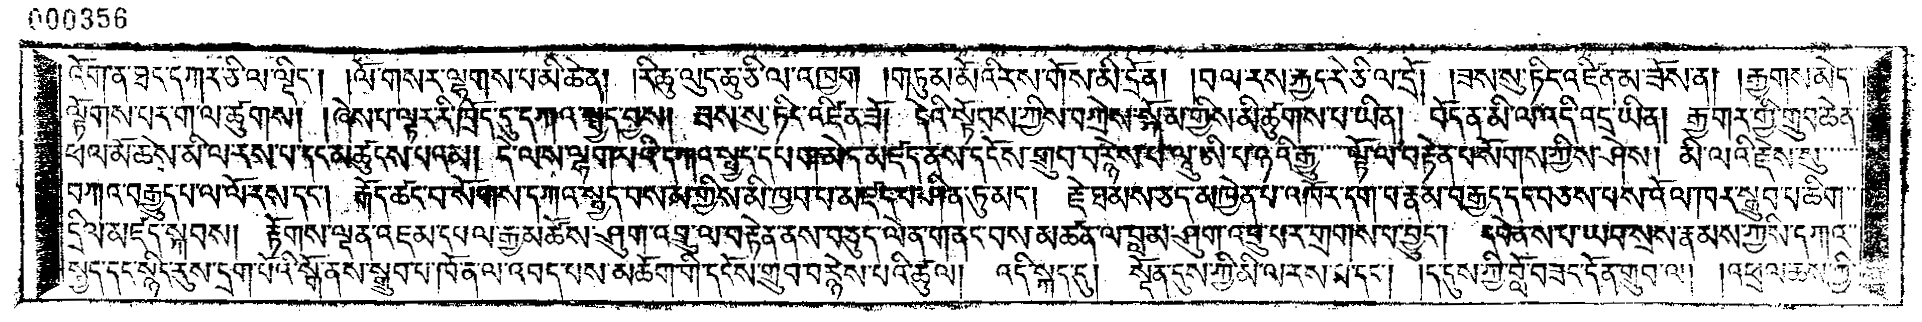འོག་ན་ཐང་དཀར་ཅི་ལ་ལྡིང་། །ལོ་གསར་ལྷགས་པ་མི་ཆེ་ན། །རི་ཆུ་ལུང་ཆུ་ཅི་ལ་འཁྱབ། །གཏུམ་མོའི་རས་གོས་མི་དྲོ་ན། །བལ་རས་རྐྱང་རེ་ཅི་ལ་དྲོ། །ཟས་སུ་ཏིང་འཛིན་མ་ཟོས་ན། །རྒྱགས་མེད་
ལྟོགས་པར་ག་ལ་ཚུགས། །ཞེས་པ་ལྟར་རི་ཁྲོད་དུ་དཀའ་སྤྱད་བྱས། ཟས་སུ་ཏིང་འཛིན་ཟོ། དེའི་སྟོབས་ཀྱིས་བཀྲེས་སྐོམ་གྱིས་མི་ཚུགས་པ་ཡིན། བོད་ན་མི་ལ་འདི་འདྲ་ཡིན། རྒྱ་གར་གྱི་གྲུབ་ཆེན་
ཕལ་མོ་ཆེས་མི་ལ་རས་པ་དང་མཚུངས་པའམ། དེ་ལས་ལྷག་པའི་དཀའ་སྤྱད་དཔག་མེད་མཛད་ནས་དངོས་གྲུབ་བརྙེས་པ་ལཱུ་ཨི་པ་ཉའི་རྒྱུ་ལྟོ་ལ་བརྟེན་པ་སོགས་ཀྱིས་ཤེས། མི་ལའི་རྗེས་སུ་
བཀའ་བརྒྱུད་པ་ལ་ལོ་རས་དང་། རྒོད་ཚང་པ་སོགས་དཀའ་སྤྱད་བསམ་གྱིས་མི་ཁྱབ་པ་མཛད་པ་ཤིན་ཏུ་མང་། རྗེ་ཐམས་ཅད་མཁྱེན་པ་འཁོར་དག་པ་རྣམ་བརྒྱད་དང་བཅས་པས་འོལ་ཁར་སྒྲུབ་པ་ཆིག་
དྲིལ་མཛད་སྐབས། རྟོགས་ལྡན་འཇམ་དཔལ་རྒྱ་མཚོས་ཤུག་འབྲུ་ལ་བརྟེན་ནས་བཅུད་ལེན་གནང་བས་མཚན་ལ་བླ་མ་ཤུག་འབྲུ་པར་གྲགས་པ་བྱུང་། དབེན་ས་པ་ཡབ་སྲས་རྣམས་ཀྱིས་དཀའ་
སྤྱད་དང་སྙིང་རུས་དྲག་པོའི་སྒོ་ནས་སྒྲུབ་པ་ཁོ་ན་ལ་འབད་པས་མཆོག་གི་དངོས་གྲུབ་བརྙེས་པའི་ཚུལ། འདི་སྐད་དུ། སྔོན་དུས་ཀྱི་མི་ལ་རས་པ་དང་། །ད་དུས་ཀྱི་བློ་བཟང་དོན་གྲུབ་ལ། །འཕྲལ་ཆས་ཀྱི་